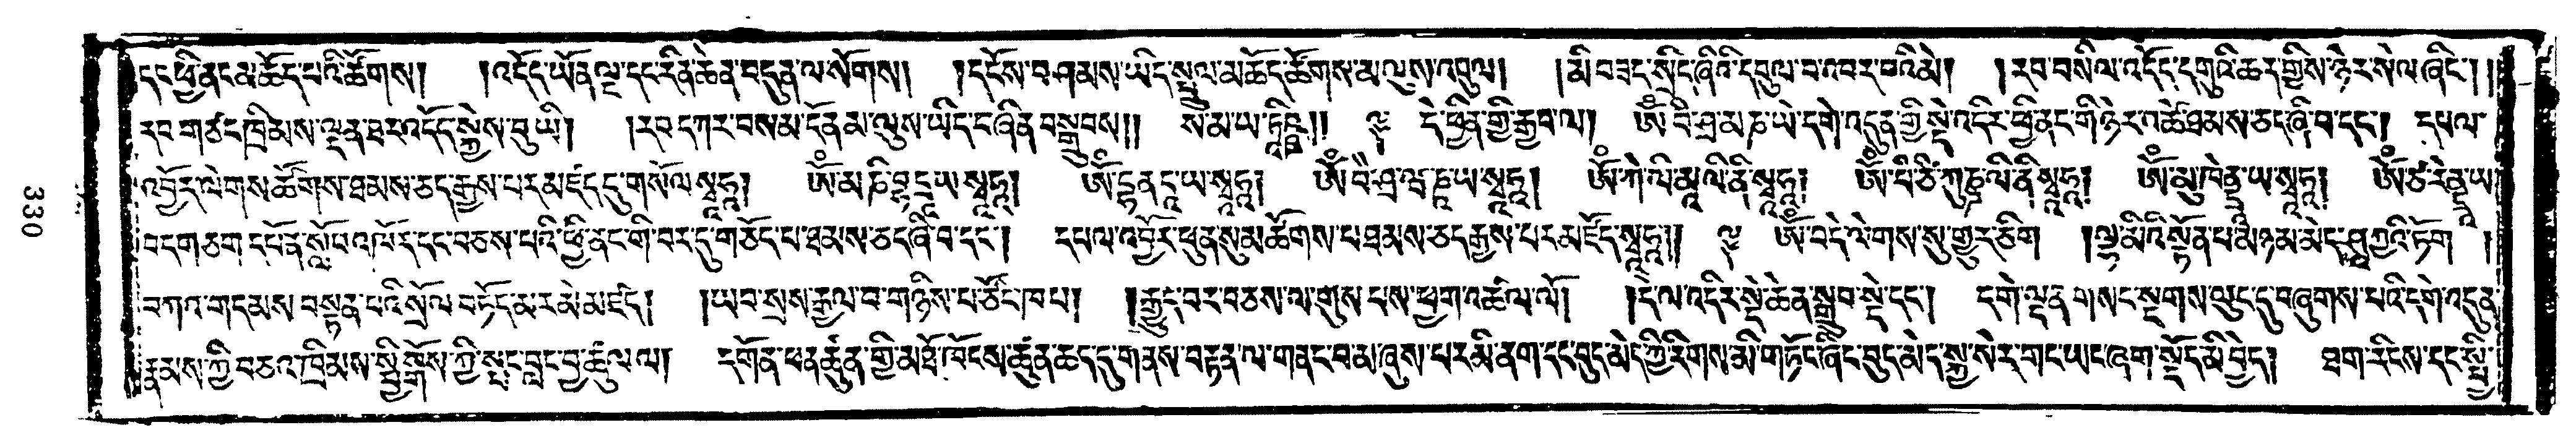དང་ཕྱི་ནང་མཆོད་པའི་ཚོགས། །འདོད་ཡོན་ལྔ་དང་རིན་ཆེན་བདུན་ལ་སོགས། །དངོས་བཤམས་ཡིད་སྤྲུལ་མཆོད་ཚོགས་མ་ལུས་འབུལ། །མི་བཟད་སྲིད་ཞིའི་དབུལ་བ་འབར་བའི་མེ། །རབ་བསིལ་འདོད་དགུའི་ཆད་གྱིས་ཉེར་སེལ་ཞིང།།
རབ་གཙང་ཁྲིམས་ལྡན་ཐར་འདོད་སྐྱེས་བུ་ཡི། །རབ་དཀར་བསམ་དོན་མ་ལུས་ཡིད་བཞིན་བསྒྲུབས།། ས་མ་ཡ་ཏཱིཥཊཿཨ།། ༈ དེ་ཕྱིན་གྱི་རྒྱབ་ལ། ཨོཾ་བཾ་ཤྲ་མ་ཎ་ཡེ་དགེ་འདུན་གྱི་སྡེ་འདིར་ཕྱི་ནང་གི་ཉེར་འཚེ་ཐམས་ཅད་ཞི་བ་དང་། དཔལ་
འབྱོར་ལེགས་ཚོགས་ཐམས་ཅད་རྒྱས་པར་མཛད་དུ་གསོལ་སྭཱཧཱ། ཨོཾ་མ་ཎི་བྷ་དྲཱ་ཡ་སྭཱ་ཧཱ། ཨོཾ་དྷ་ན་དཱ་ཡ་སྭཱ་ཧཱ། ཨོཾ་བཻ་ཤྲ་ཝ་ཎཱ་ཡ་སྭཱཧཱ། ཨོཾ་ཀེ་ལི་མཱ་ལི་ནི་སྭཱ་ཧཱ། ཨོཾ་པི་ཙི་ཀུཎྜ་ལེ་ནི་སྭཱ་ཧཱ། ཨོཾ་མུ་ཁེནྡྲ་ཡ་སྭཱ་ཧཱ། ཨོཾ་ཙ་རེནྡྲཱ་ཡ་
བདག་ཅག་དཔོན་སློབ་འཁོར་དང་བཅས་པའི་ཕྱི་ནང་གི་བར་དུ་གཅོད་པ་ཐམས་ཅད་ཞི་བ་དང་། དཔལ་འབྱོར་ཕུན་སུམ་ཚོགས་པ་ཐམས་ཅད་རྒྱས་པར་མཛོད་སྭཱ་ཧཱ།། ༈ ཨོཾ་བདེ་ལེགས་སུ་གྱུར་ཅིག །ལྷ་མིའི་སྟོན་པ་མཉམ་མེད་ཤཱཀྱའི་ཏོག །
བཀའ་གདམས་བསྟན་པའི་སྲོལ་བཏོད་མར་མེ་མཛད། །ཡབ་སྲས་རྒྱལ་བ་གཉིས་པ་ཙོང་ཁ་པ། །རྒྱུད་བར་བཅས་ལ་གུས་པས་ཕྱག་འཚལ་ལོ། །དེ་ལ་འདིར་སྡེ་ཆེན་སྒྲུབ་སྡེ་དང་། དགེ་ལྡན་གསང་སྔགས་ལུང་དུ་བཞུགས་པའི་དགེ་འདུན་
རྣམས་ཀྱི་བཅའ་ཁྲིམས་སྤྱི་སྒོས་ཀྱི་སྤང་བླང་བྱ་ཚུལ་ལ། དགོན་ཕན་ཚུན་གྱི་མཐོ་ཁོངས་ཚུན་ཆད་དུ་གནས་བརྟན་ལ་གནང་བ་མ་ཞུས་པར་མི་ནག་དང་བུད་མེད་ཀྱི་རིགས་མི་གཏོང་ཞིང་བུད་མེད་སྐྱ་སེར་གང་ཡང་ཞག་སྡོད་མི་བྱེད། ཐག་རིངས་དང་སྤྱི་